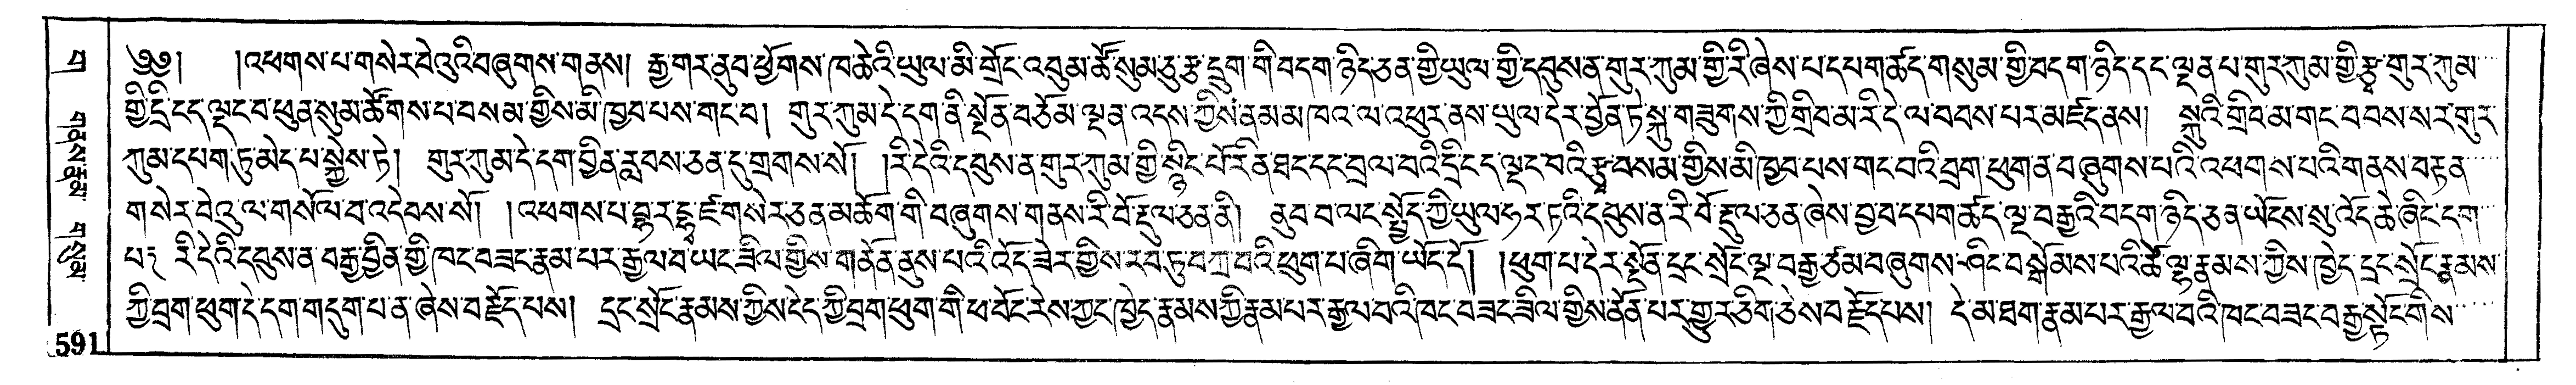༄༅། །འཕགས་པ་གསེར་བེའུའི་བཞུགས་གནས། རྒྱ་གར་ནུབ་ཕྱོགས་ཁ་ཆེའི་ཡུལ་མི་གྲོང་འབུམ་ཚོ་སུམ་ཅུ་རྩ་དྲུག་གི་བདག་ཉིད་ཅན་གྱི་ཡུལ་གྱི་དབུས་ན་གུར་ཀུམ་གྱི་རི་ཞེས་པ་དཔག་ཚད་གསུམ་གྱི་བདག་ཉིད་དང་ལྡན་བ་གུར་ཀུན་གྱི་རྩྭ་གུར་ཀུམ་
གྱི་དྲི་ངད་ལྡང་བ་ཕུན་སུམ་ཚོགས་པ་བསམ་གྱིས་མི་ཁྱབ་པས་གང་བ། གུར་ཀུམ་དེ་དག་ནི་སྔོན་བཅོམ་ལྡན་འདས་ཀྱིས་ནམ་མཁའ་ལ་འཕུར་ནས་ཡུལ་དེར་བྱོན་ཏེ་སྐུ་གཟུགས་ཀྱི་གྲིབ་མ་རི་དེ་ལ་བབས་པར་མཛད་ནས། སྐུའི་གྲིབ་མ་གང་བབས་སར་གུར་
གུམ་དཔག་ཏུ་མེད་པ་སྐྱེས་ཏེ། གུར་ཀུམ་དེ་དག་བྱིན་རླབས་ཅན་དུ་གྲགས་སོ། །རི་དེའི་དབུས་ན་གུར་ཀུམ་གྱི་སྙིང་པོ་རིན་ཐང་དང་བྲལ་བའི་དྲི་ངད་ལྡང་བའི་རྩྭ་བསམ་གྱིས་མི་ཁྱབ་པས་གང་བའི་བྲག་ཕུག་ན་བཞུགས་པའི་འཕགས་པའི་གནས་བརྟན་
གསེར་བེའུ་ལ་གསོལ་བ་འདེབས་སོ། །འཕགས་བ་བྷ་ར་དྷྭ་ཛ་གསེར་ཅན་མཆོག་གི་བཞུགས་གནས་རི་བོ་རྡུལ་ཅན་ནི། ནུབ་བ་ལང་སྤྱོད་ཀྱི་ཡུལ་ཧར་ཏའི་དབུས་ན་རི་བོ་རྡུལ་ཅན་ཞེས་བྱ་བ་དཔག་ཚད་ལྔ་བ་རྒྱའི་བདག་ཉིད་ཅན་ཡོངས་སུ་འོད་ཆེ་ཞིང་དག་
བ། རི་དེའི་དབུས་ན་བརྒྱ་བྱིན་གྱི་ཁང་བཟང་རྣམ་པར་རྒྱལ་བ་ཡང་ཟིལ་གྱིས་གནོན་ནུས་པའི་འོད་ཟེར་གྱིས་རབ་ཏུ་བཀྲ་བའི་ཕུག་པ་ཞིག་ཡོད་དོ། །ཕུག་པ་དེར་སྔོན་དྲང་སྲོང་ལྔ་བརྒྱ་ཙམ་བཞུགས་ཤིང་བསྒོམས་པའི་ཚེ་ལྷ་རྣམས་ཀྱིས་ཁྱེད་དྲང་སྲོང་རྣམས་
བྱི་ཕྲག་ཕུག་དེ་དག་གདུག་པ་ན་ཞེས་བརྗོད་པས། དྲང་སྲོང་རྣམས་ཀྱིས་ངེད་ཀྱི་བྲག་ཕུག་གི་ཕ་བོང་རེས་ཀྱང་ཁྱེད་རྣམས་ཀྱི་རྣམ་པར་རྒྱལ་བའི་ཁང་བཟང་ཟིལ་གྱིས་ནོན་པར་གྱུར་ཅིག་ཅེས་བརྗོད་པས། དེ་མ་ཐག་རྣམ་པར་རྒྱལ་བའི་ཁང་བཟང་བརྒྱ་སྟོང་གིས་